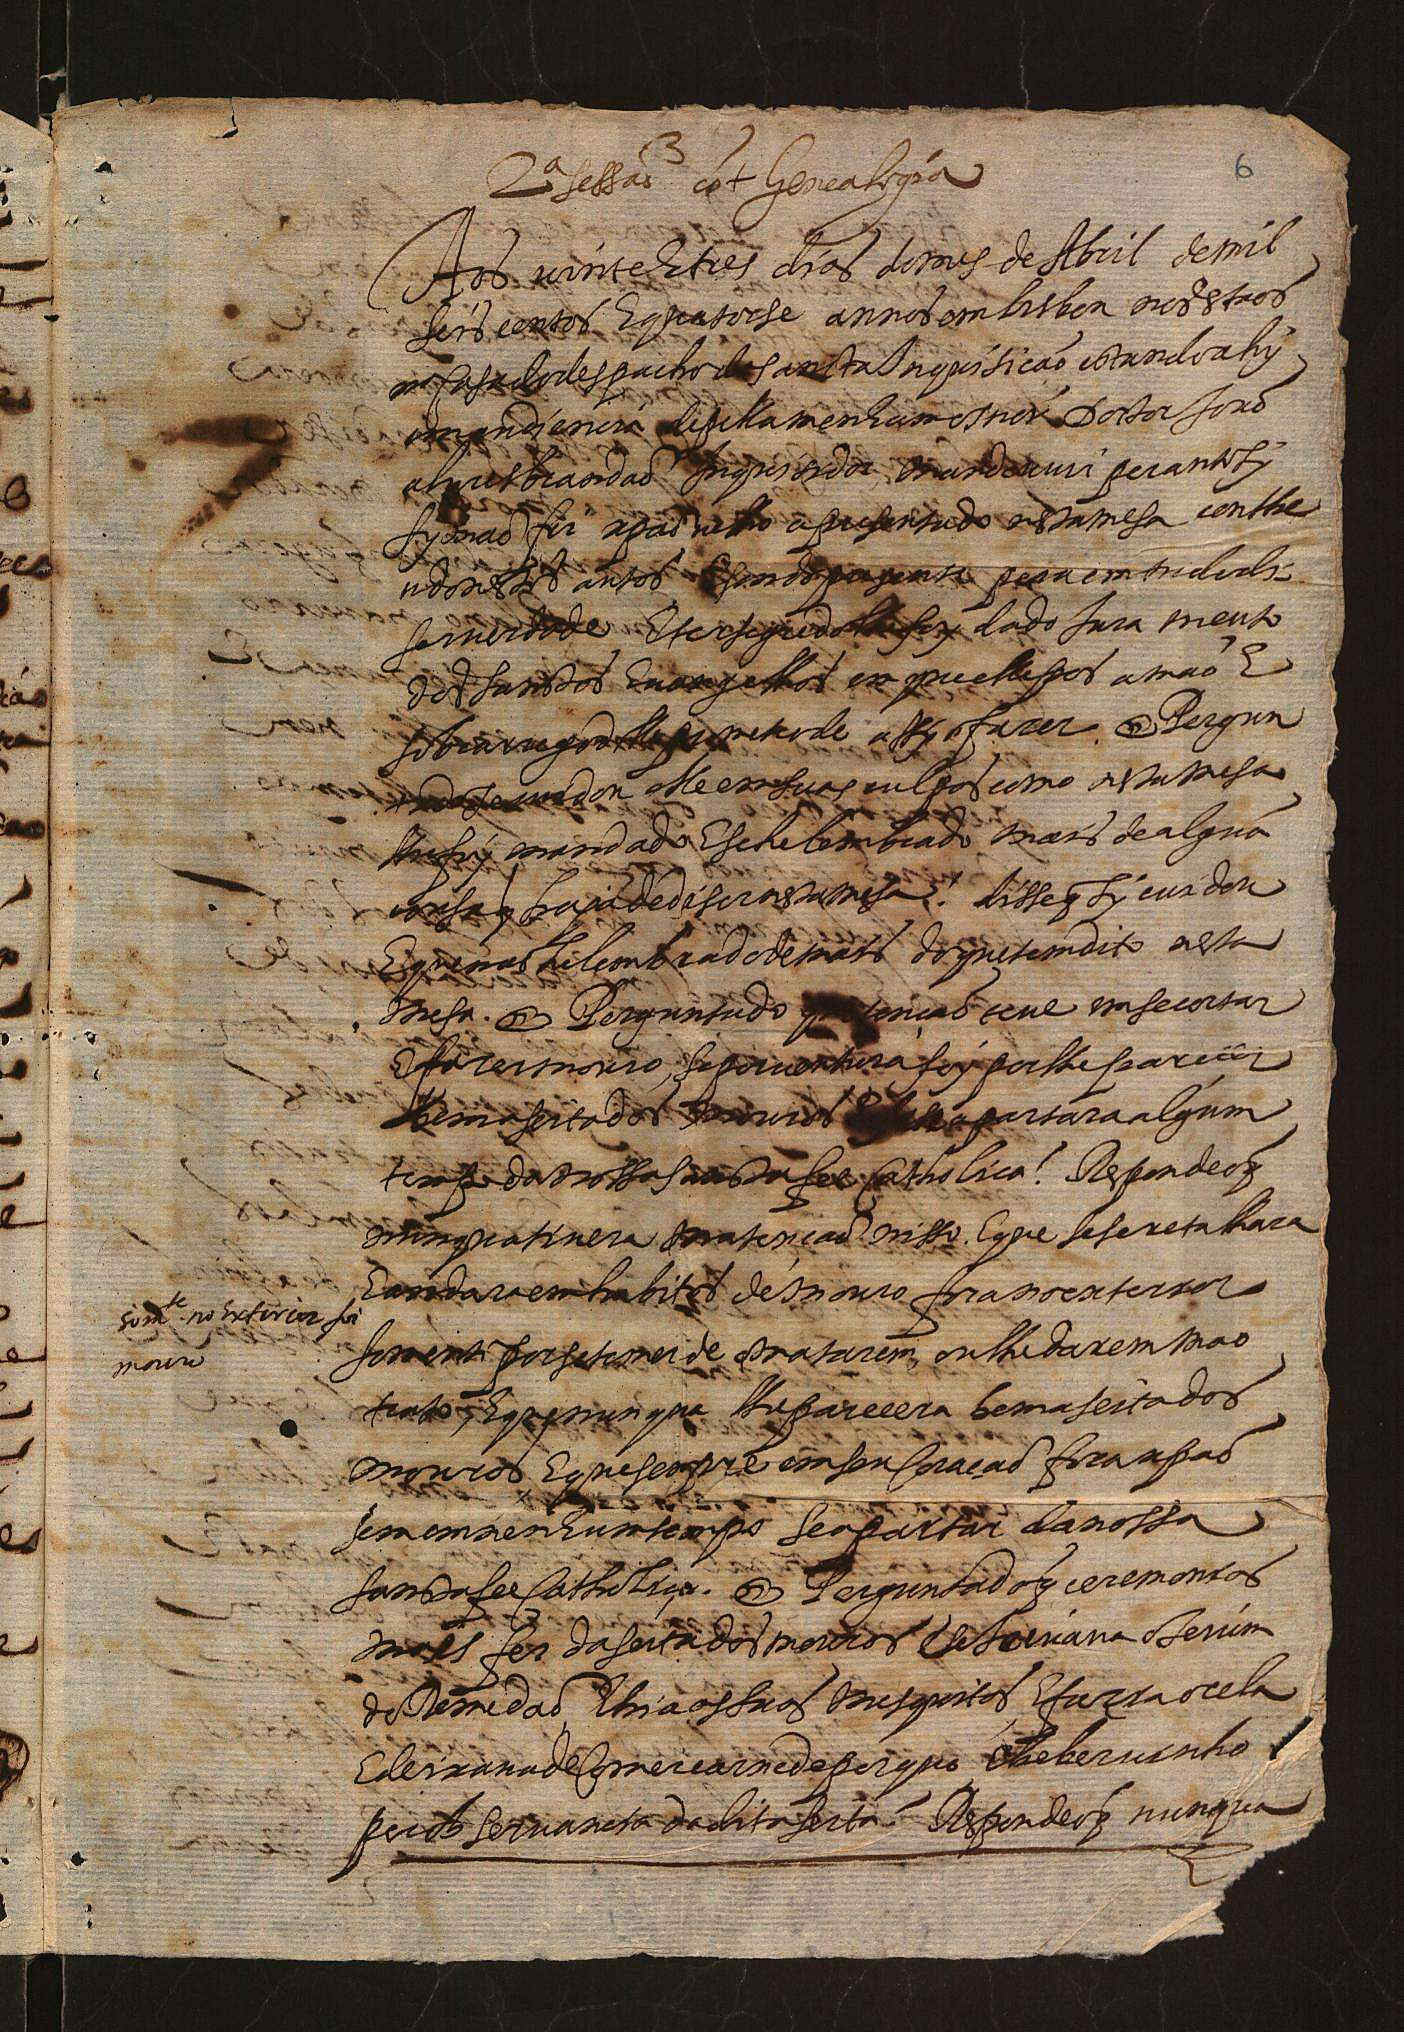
2a sessaõ cō + Genealogia
Aos uinte E tres dias do mes de Abril de mil
seiscentos E quatorse annos em lisboa nos estaos
na Casa do despacho da sancta Inquisiçaõ estando ahy
em audiencia de pella menham o snor̄ Doctor Joaõ
alures brandaõ Jnquisidor mandou uir perante sy
Symaõ frz̄ xpaõ uelho apresentado nesta mesa conthe
udo nestes autos e sendo presente pera em tudo di
ser uerdade E ter segredo lhe foy dado Juramento
dos sanctos Euangelhos em que elle pos a maõ E
sob carrego delle prometeo de assy o fazer ⁋ Pergun
tado se cuidou elle em suas culpas como nesta mesa
lhe foy mandado E se he lembrado mais de alguā
cousa q̄ haja de diser nesta mesa? disse q̄ sy cuidou
E que naõ he lembrado de mais do que tem dito nesta
mesa. ⁋ Perguntado que tençaõ teue em se cortar
E fazer mouro, se por uentura foy por lhe parecer
bem a seita dos moros E ja se apartara algum
tempo da nossa sancta fee Catholica? Respondeo q̄
nunqua tiuera ma tençaõ nisso. E que se se retalhara
E andara em habito de Mouro fora no exterior
somte. no Exterior foi
mouro
somente por se temer de o matarem, ou lhe darem mao
trato, E que nunqua lhe parecera bem a seita dos
mouros, E que sempre em seu Coraçaõ fora xpaõ
sem em nenhum tempo se apartar da nossa
sancta fee Catholica. ⁋ Perguntado q̄ ceremonias
mais fez da seita dos mouros e se Ieiuaua o Ieium
do Remedaõ, E hia as suas mesquitas, E fazia o cela
E deixaua de Comer carne de porquo E beber uinho
por obseruancia da dita seita? Respondeo q̄ nunqua
